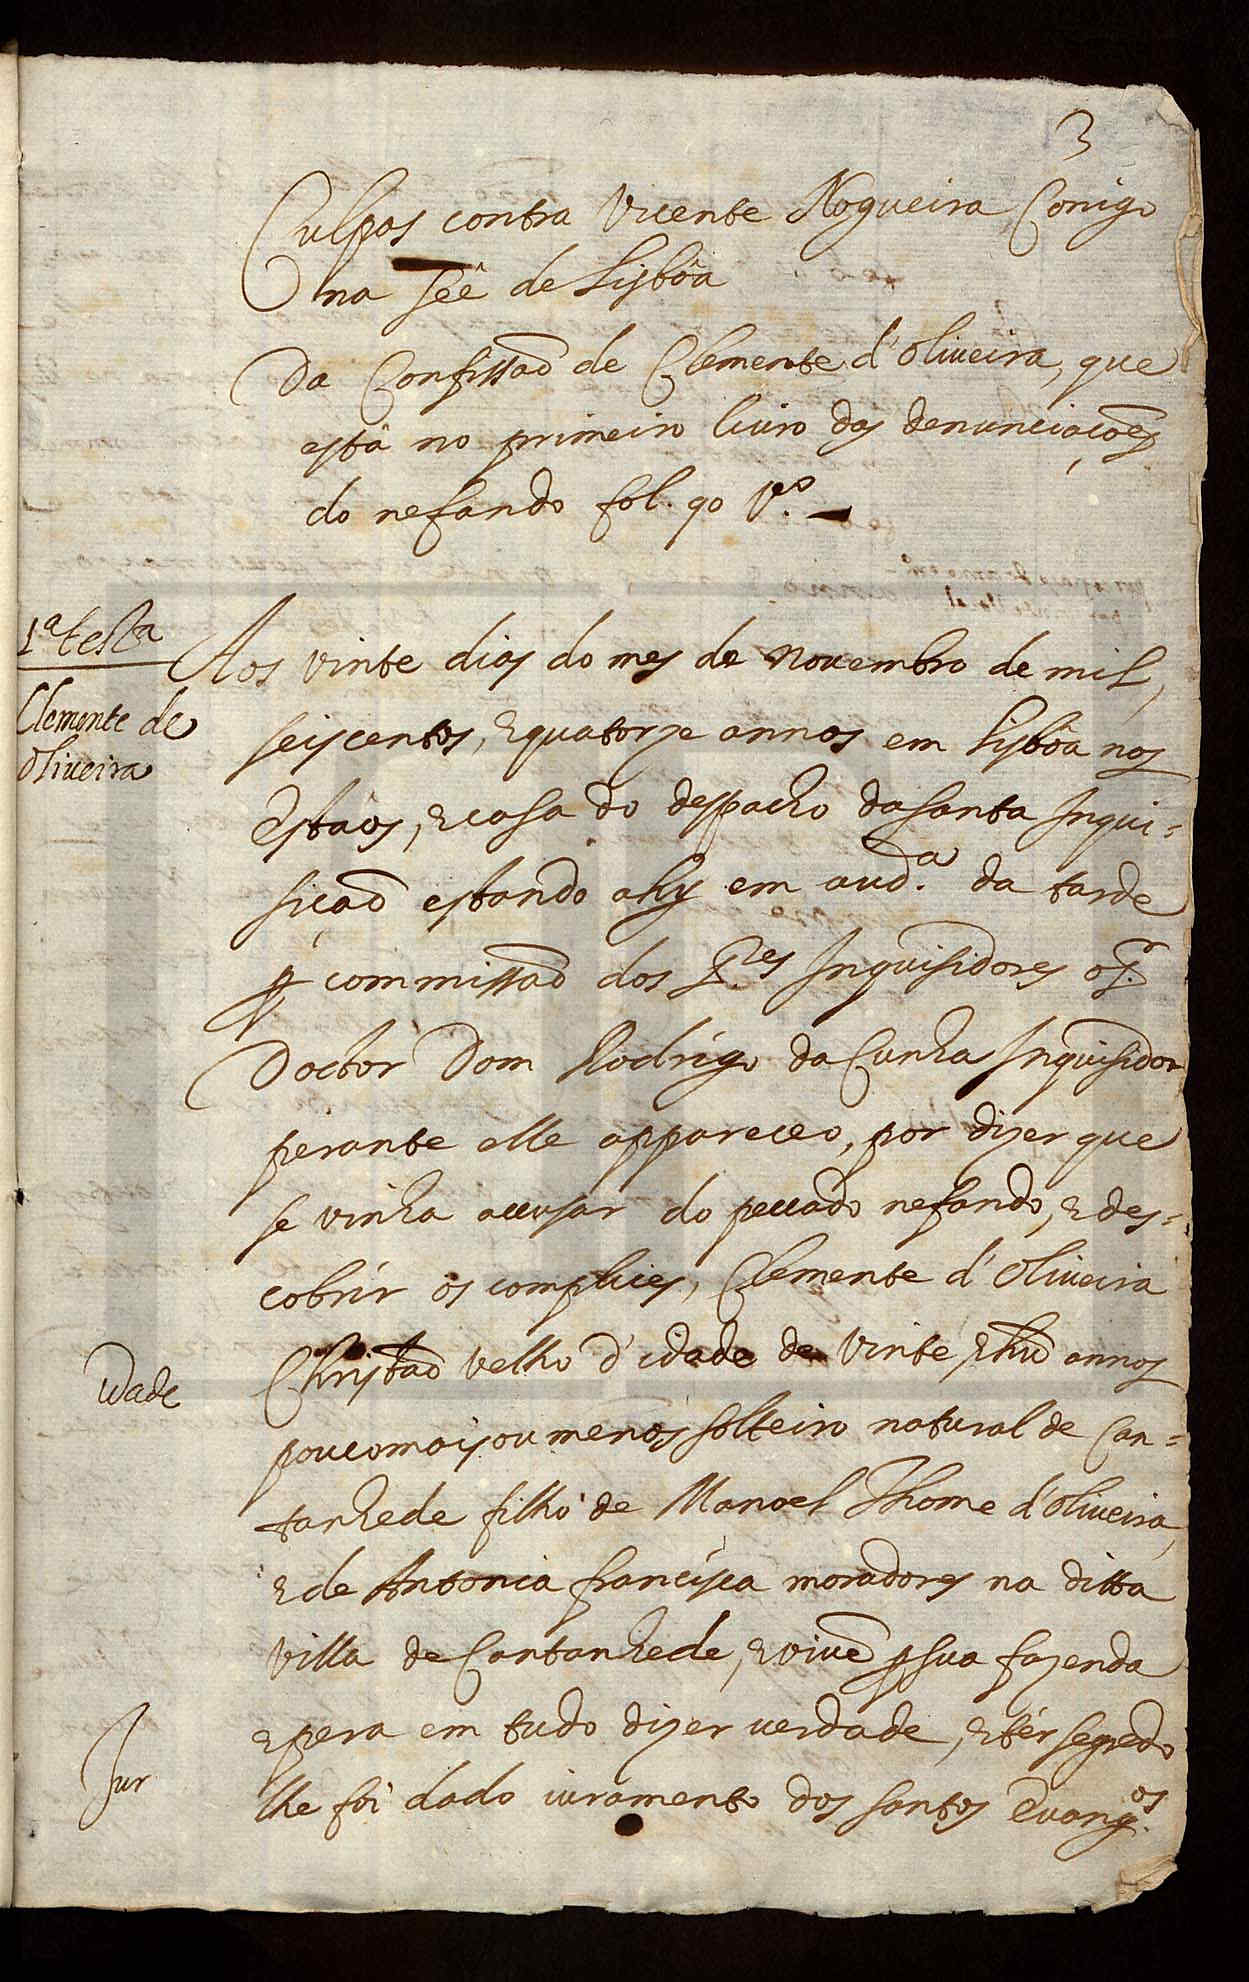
Culpas contra Vicente Nogueira Conigo
na Seê de Lisbôa
da Confissão de Clemente d´Oliveira, que
estâ no primeiro livro das denunciações
do nefando fol. 90 v
Aos vinte dias do mes de novembro de mil,
seiscentos, e quatorze annos em Lisbõa nos
estaôs, e casa do despacho da Santa Inqui
sição estando ahy em aud.a da tarde
per commissão dos S.res Inquisidores o S.or
Doctor Dom Rodrigo da Cunha Inquisidor
perante elle appareceo, por dizer que
se vinha occupar do peccado nefando, e des-
cobrir os complices, Clemente d´Oliveira
Christão Velho d´edade de vinte e hū annos
pouco mais ou menos solteiro natural de Can-
tanhede filho de Manoel Thome d´Oliveira,
e de Antonia Francisca moradores na ditta
villa de Cantanhede, e vivem pera sua fazenda
e pera , e em tudo dizer verdade, e tér segredo
lhe foi dado iuramento dos Santos Evang.os
